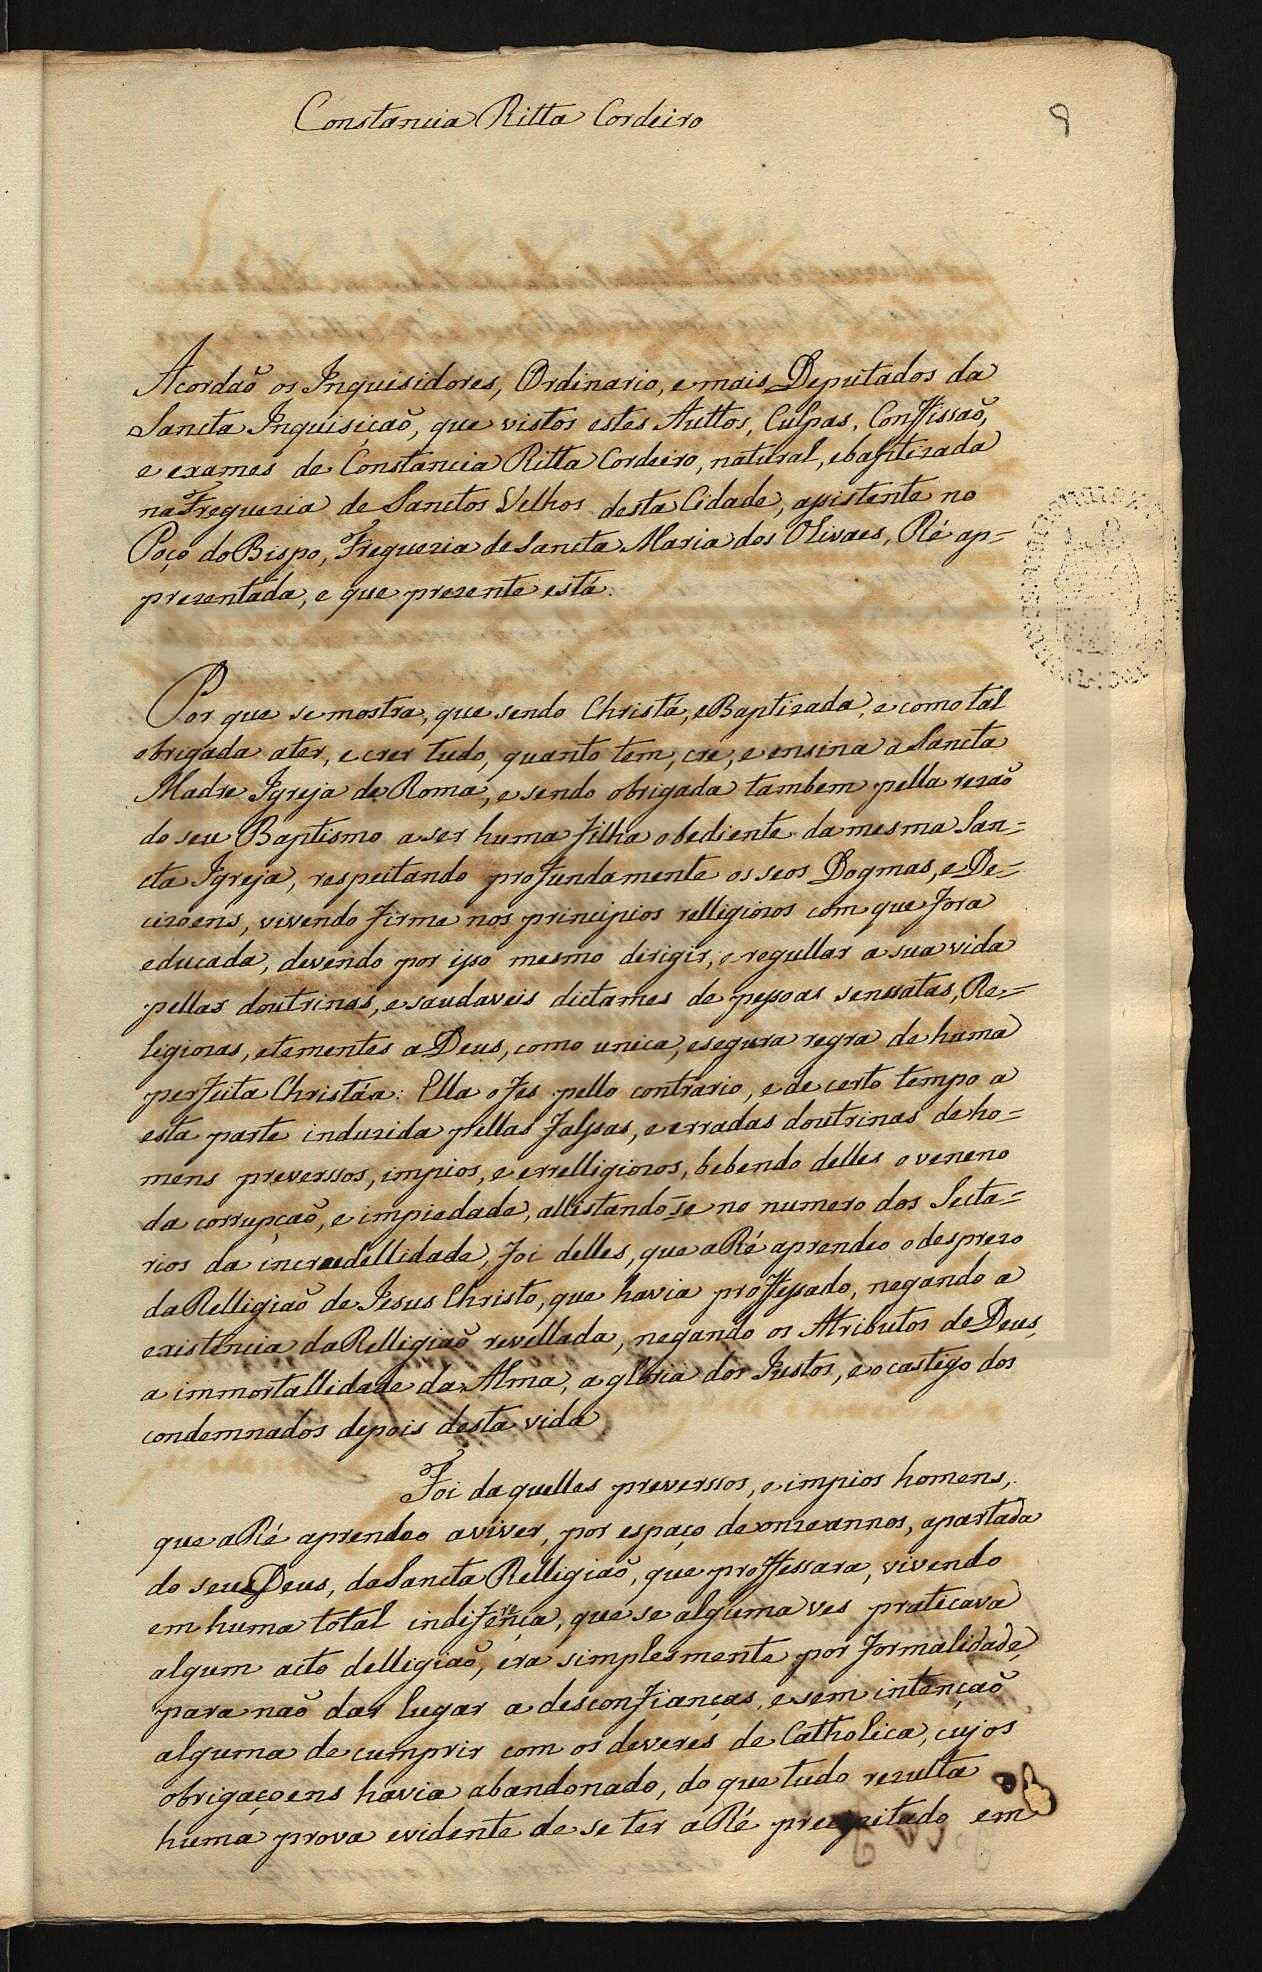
Constancia Ritta Cordeiro
Acordaõ os Inquisidores, Ordinario, e mais Deputados da
Sancta Inquisiçaõ, que vistos estes Auttos, Culpas. Conffissaõ,
e exames de Constancia Ritta Cordeiro, natural, e baptizada
na Freguezia de Sanctos Velhos desta Cidade, assistente no
Poço do Bispo, Freguezia de Sancta Maria dos Olivaes, Ré ap
prezentada, e que prezente está.
Por que se mostra, que sendo Christá, e Baptizada, e como tal
obrigada a ter, e crer tudo, quanto tem, cre, e ensina a Sancta
Madre Igreja de Roma, e sendo obrigada tambem pella rezaõ
do seu Baptismo a ser huma filha obediente da mesma San
cta Igreja, respeitando profundamente os seos Dogmas, e De
cizoens, vivendo firme nos principios relligiozos com que fora
educada, devendo por isso mesmo dirigir, e regullar a sua vida
pellas doutrinas, e saudaveis dictames de pessoas senssatas, Re
ligiozas, e tementes a Deus, como unica, e segura regra de huma
perfeita Christáa: Ella o fes pello contrario, e de certo tempo a
esta parte induzida pellas falssas, e erradas doutrinas de ho
mens preverssos, impios, e errelligiozos, bebendo delles o veneno
da corrupçaõ, e impiedade, allistando-se no numero dos Secta
rios da incrudellidade, foi delles, que a Ré aprendeo o desprezo
da Relligiaõ de Iesus Christo, que havia proffessado, negando a
existencia da Relligiaõ revellada, negando os Atributos de Deus,
a immortallidade da Alma, a gloria dos Iustos, e o castigo dos
condemnados depois desta vida.
Foi daquelles preverssos, e impios homens,
que a Ré aprendeo a viver, por espaço de onze annos, apartada
do seu Deus, da Sancta Relligiaõ, que proffessara, vivendo
em huma total indiferença, que se alguma ves praticava
algum acto delligiaõ, era simplesmente por formalidade,
para naõ dar lugar a desconfianças, e sem intençaõ
alguma de cumprir com os deveres de Catholica, cujos
obrigaçoens havia abandonado, do que tudo rezulta
huma prova evidente de se ter a Ré precipitado em
